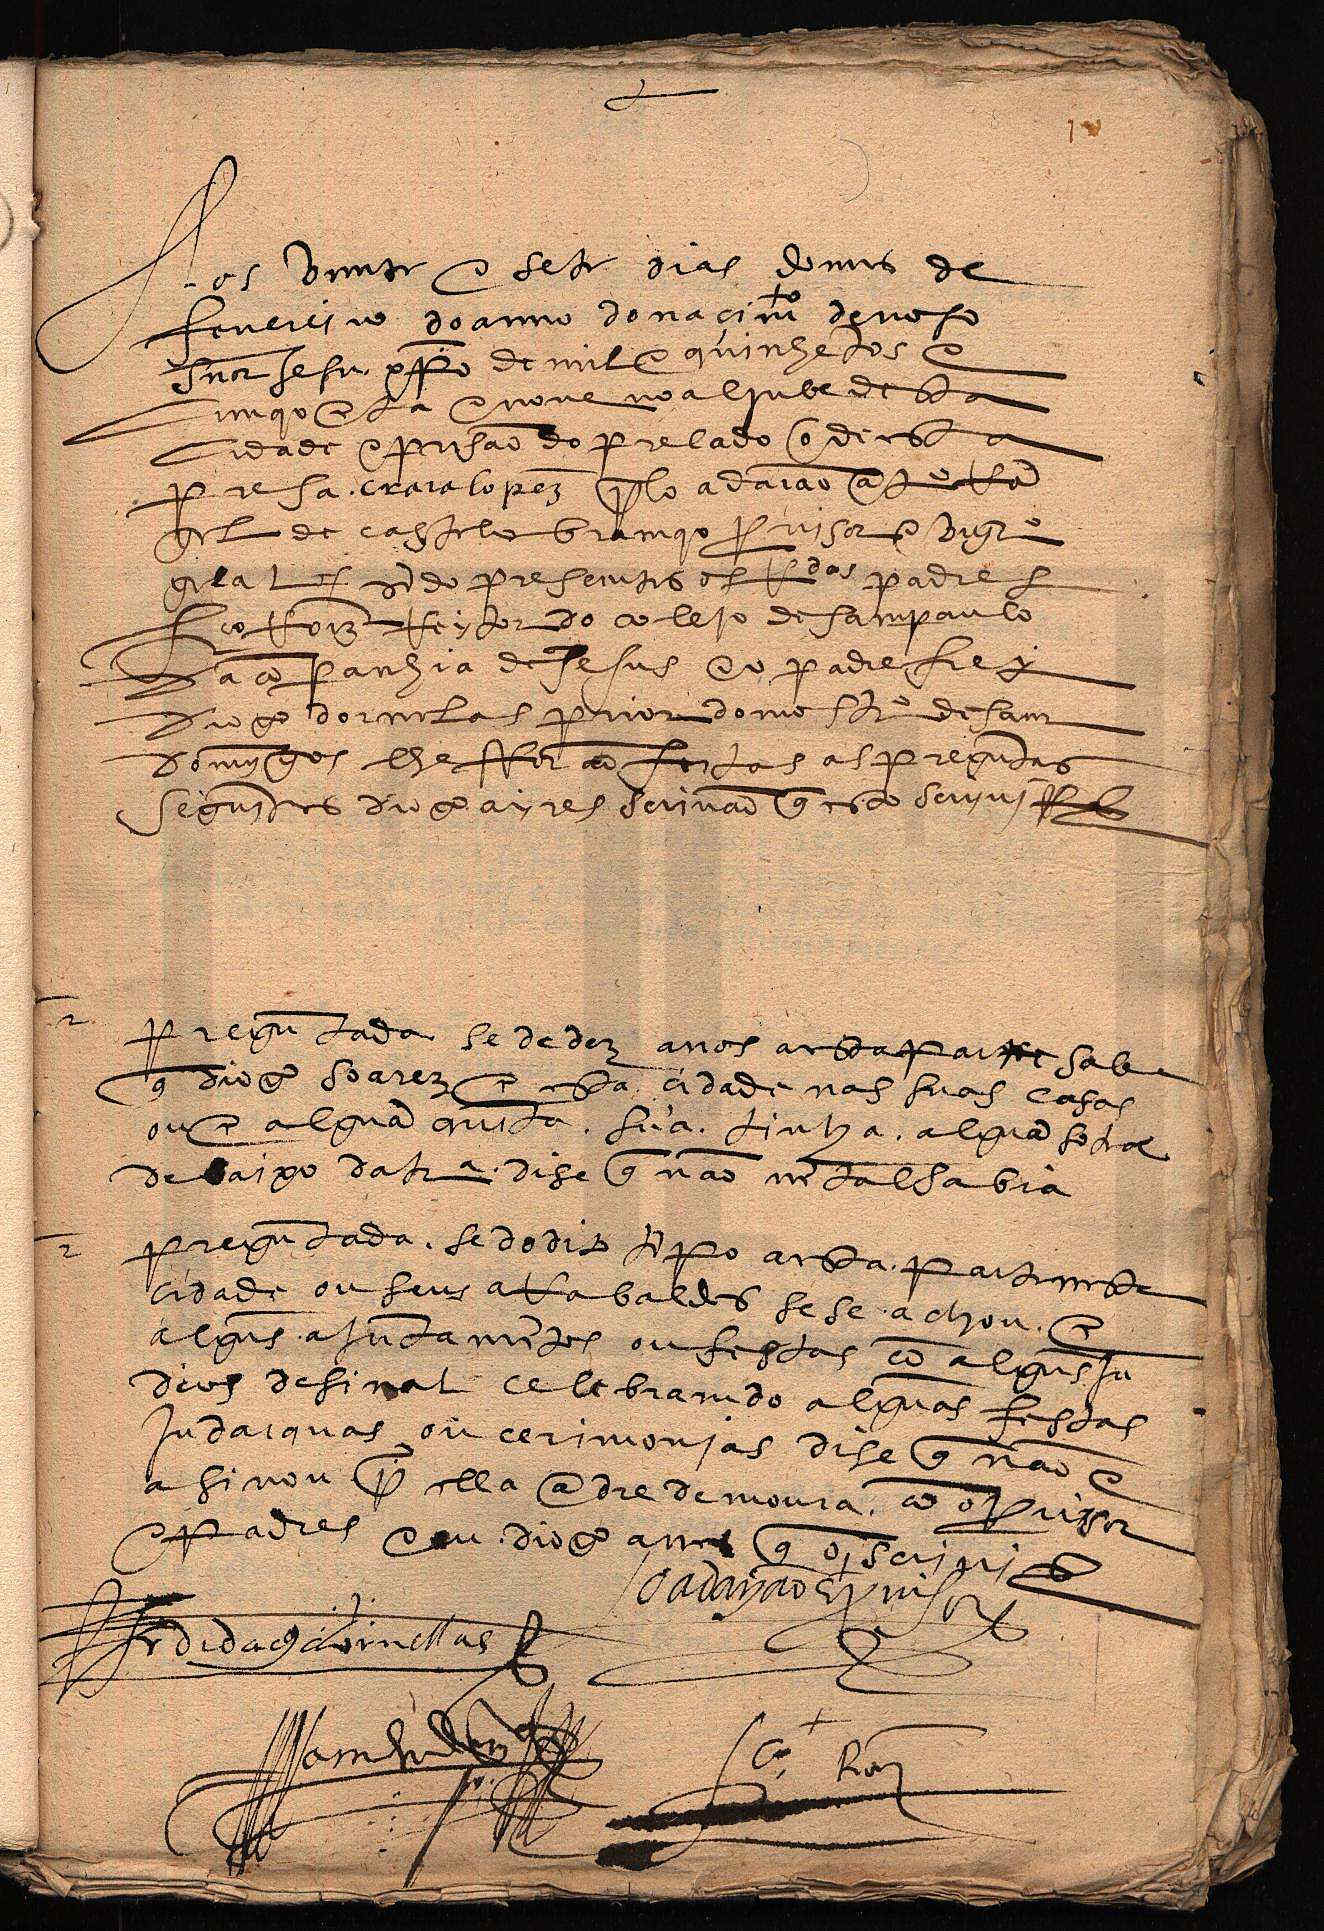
Aos vimte e sete dias do mes de
feuereiro do anno do naçimto de noso
S̄nor Jesu xp̄o de mil e quinhetos e
Cimqoēta e noue no aljube desta
Cidade e prisão do prelado ōde esta
presa .crara lopez p̄lo adaião āto Rā
gel de castelo bramqo ꝓujsor e vigro
geraL cꝭ sēdo presemtes os Rdos padres
frco Rōiz Reytor do colejo de sam paulo
Da c̄opanhia de Jesus e o padre frey
Diogo dornelas prior do mostro de sam
Dom̄ygos lhe fforão feitas as pregūtas
segūjtes diogo ayres scriuão q̄ esto scryuj
item preḡutada se de dez anos a esta partte sabe
q̄ diogo soarez ē esta çidade nas suas casas
ou ē alguā qūita sua tinha alguā sotea
debaixo da tra dise q̄ não nē tal sabia
item preḡutada se do dito tēpo a esta parte nesta
cidade ou seus aRabaldes se se achou ē
algūs aJūtamētos ou festas c̄o algūs Ju
deos de sinal celebramdo alḡuas festas
Judaiquas ou cerimonjas dise q̄ não e
asinou p̄o ella ādre de moura c̄o o ꝓuisor
e padres e eu diogo aires q̄ o scriui
